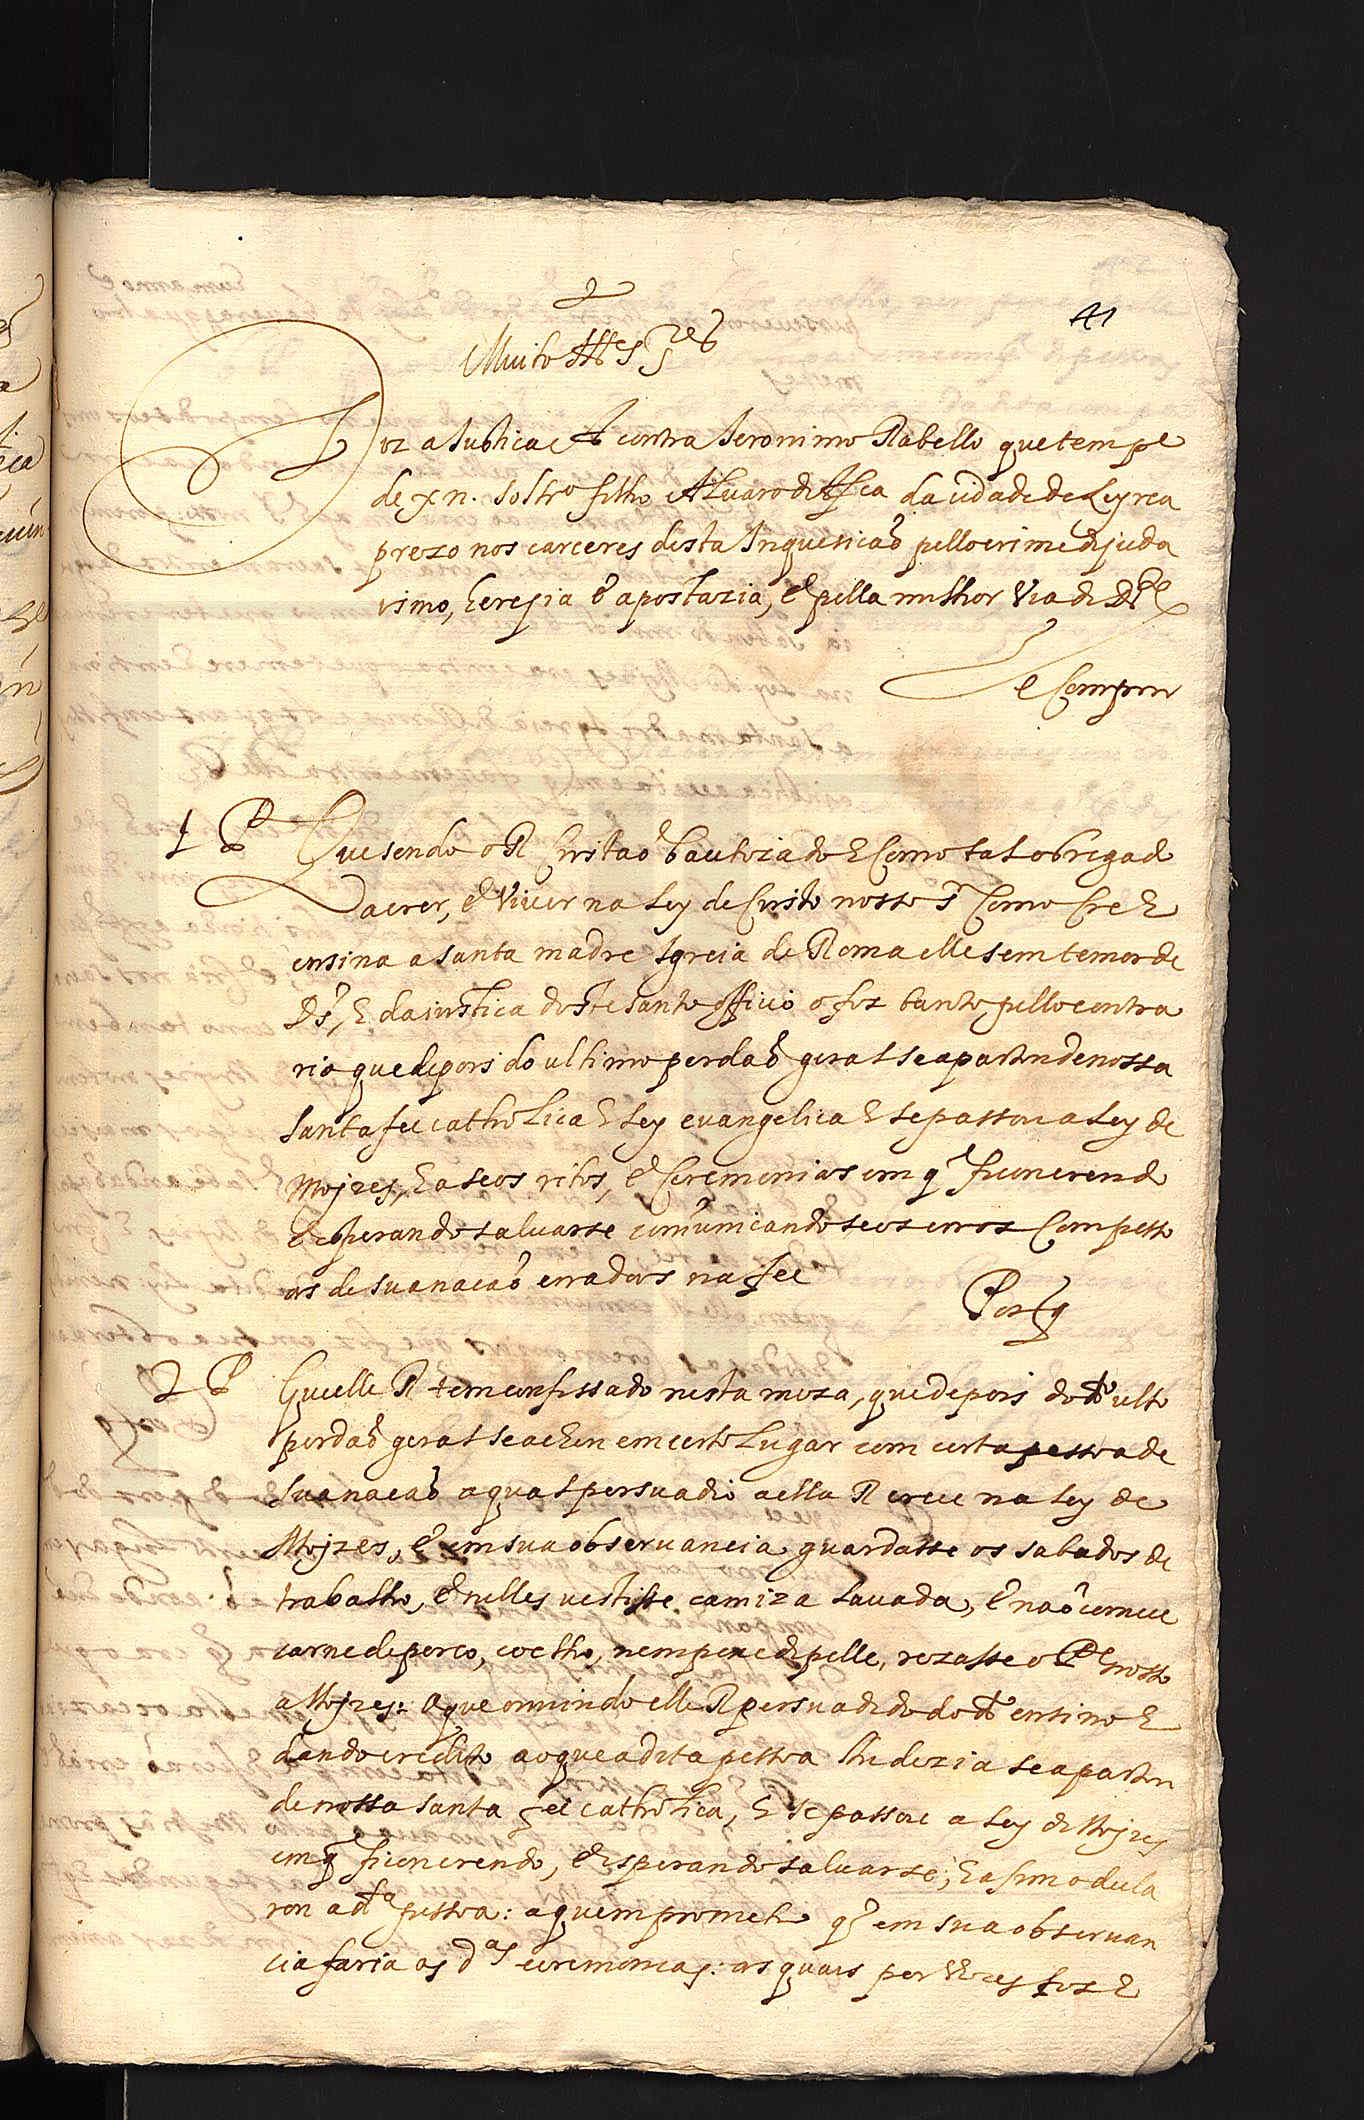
Muito Īlles Sres
Diz a Iustica A contra Ieronimo Rabello que tem pe
de x n. soltro filho Aluaro de Afca da cidade de Leyrea
prezo nos carceres desta Inquesicaõ pello crime de juda
ismo, herejia E apostazia, E pella milhor Via de Drto
e Comprir
1 P Que sendo o R Cristaõ bautizado E Como tal obrigado
a crer, E Viuer na Ley de Cristo nosso sr Como Cre E
ensina a santa madre Igreia de Roma elle sem temor de
Ds̄, E da iustica deste santo officio o fez tanto pello contra
rio que depois do ultimo perdaõ geral se apartou de nossa
Santa fee catholica E Ley euangelica E se passou a Ley de
Mojzes, E a seos ritos, E Ceremonias em q̄ ficou crendo
E esperando saluarse comūnicando seos erros Com pesso
as de sua nacaõ errados na fee
Por q̄
2 P Que elle R tem confessado nesta meza, que depois do d̄o ulto
perdaõ geral se achou em certo Lugar com certa pessoa de
sua nacaõ a qual persuadio a ella R crece na ley de
Mojzes, E em sua obseruancia guardasse os sabados de
trabalho, E nelles uestisse camiza Lauada, E naõ comece
carne de porco, coelho, nem pexe de pelle, rezasse o Pe nosso
a Mojzes: O que ouuindo elle R persuadido do d̄o ensino E
dando credito ao que a dita pessoa lhe dezia se apartou
de nossa santa fee catholica, E se passou a Ley de Mojzes
em q̄ ficou crendo, E esperando saluarse; E asim o decla
rou a d̄a pessoa: a quem prometeo q̄ em sua obseruan
cia faria as das ceremonias: as quais por Vezes fez E
